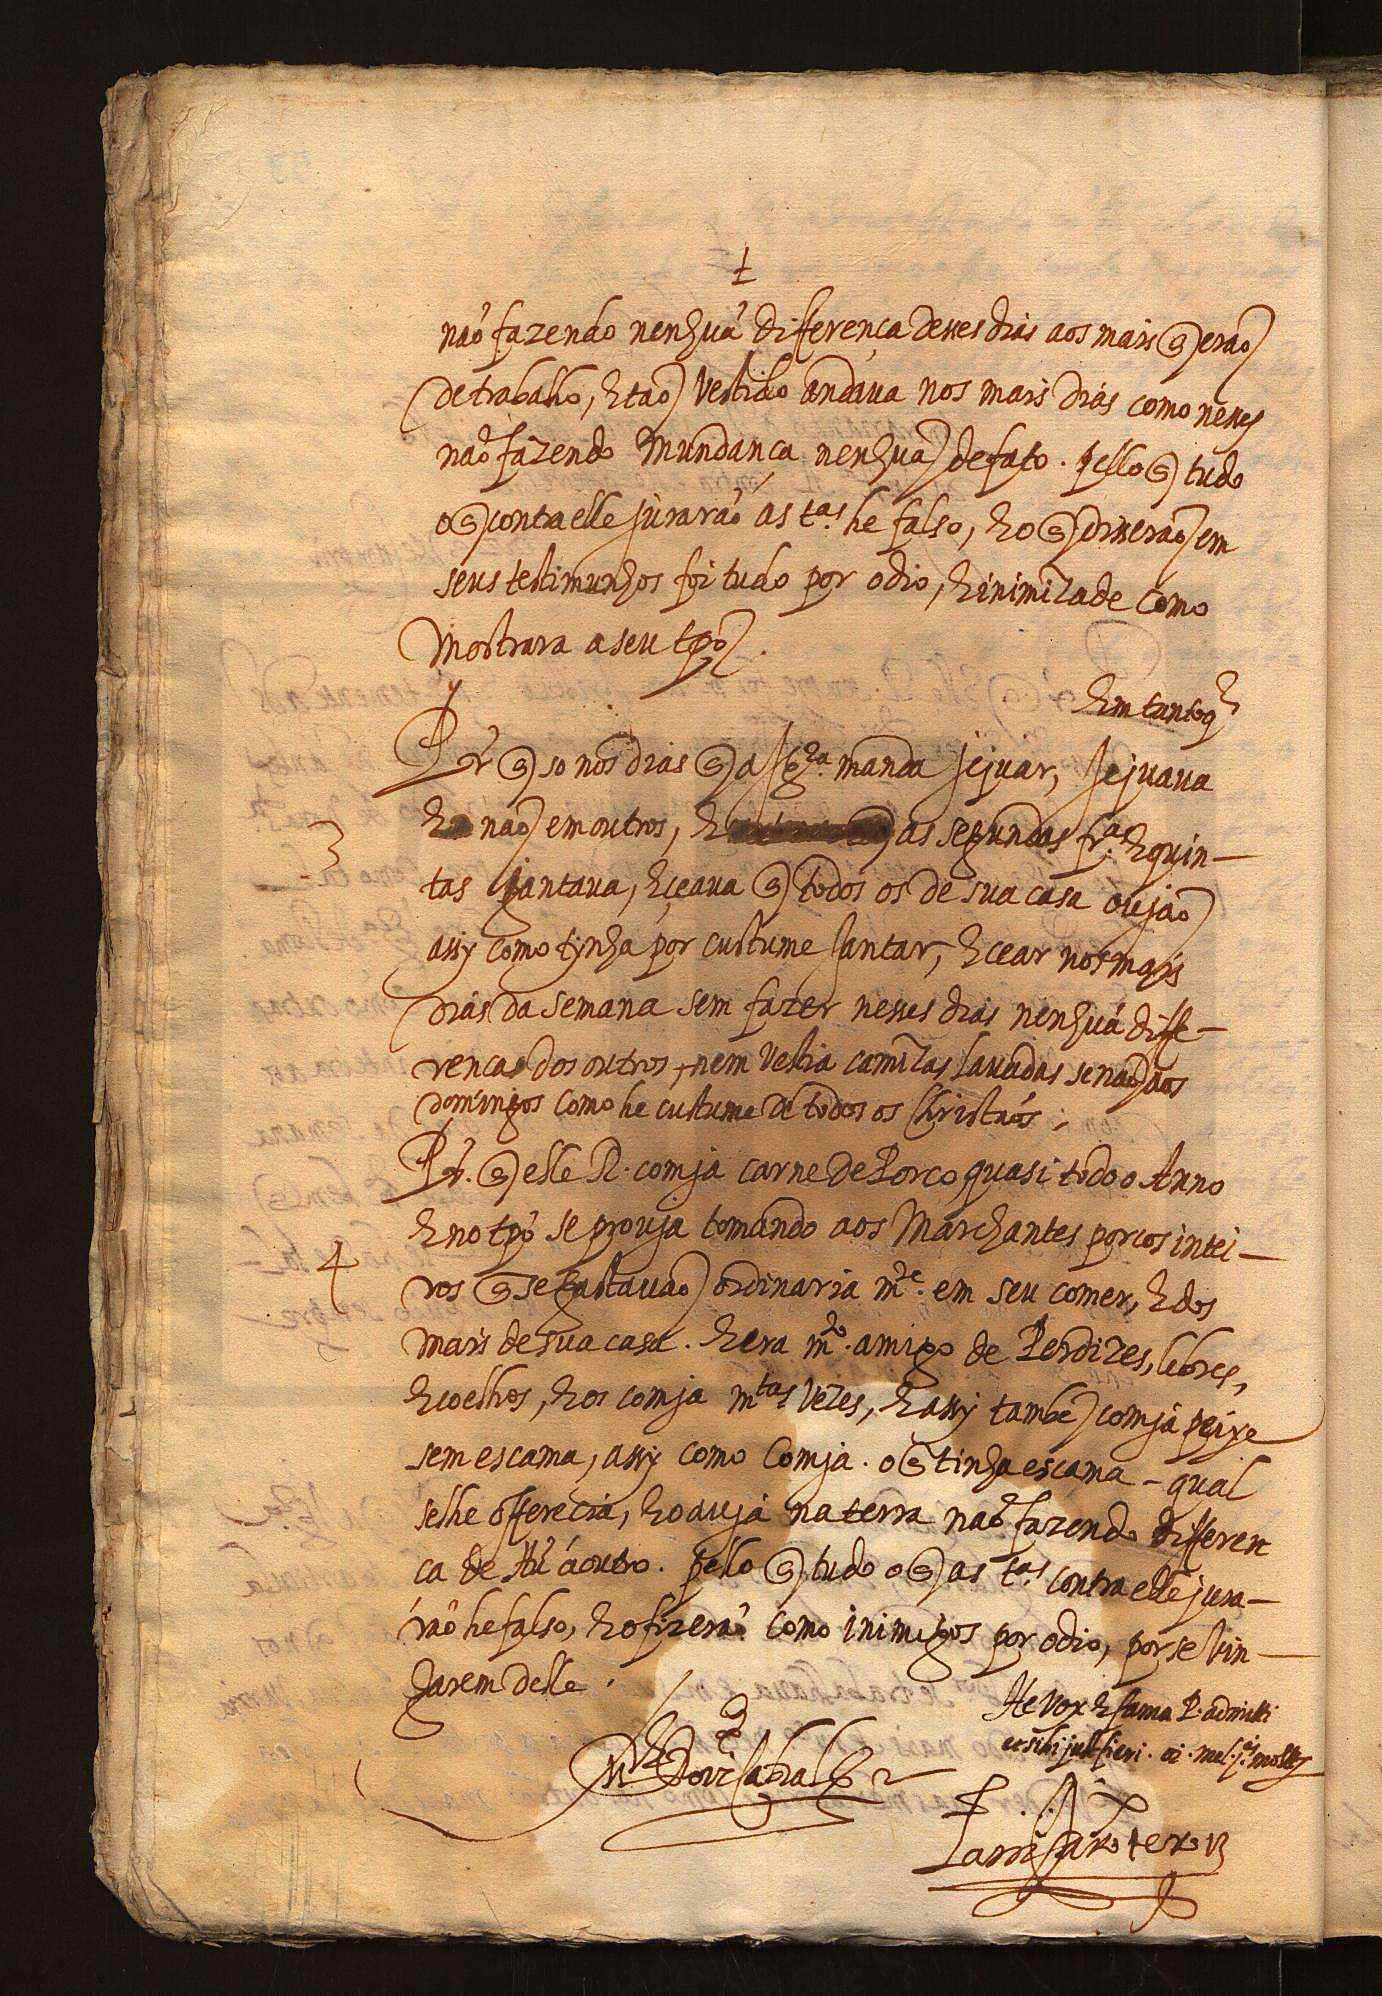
naõ fazendo nenhuā differença desses dias aos mais q̄ erão
de trabalho, E tão vestido andaua nos mais dias como nesses
não fazendo mundança nenhuā de fato. pello q̄ tudo
o q̄ contra elle jurarão as tas. he falso, E o q̄ disserão em
seus testimunhos foi tudo por odio, E inimizade como
mostrara a seu tpō.
Em tanto q̄
Porq̄ so nos dias q̄ a Jgra manda jejuar, jejuaua
E não em outros, E _ as segundas fras. E quin
tas jantaua, E ceaua q̄ todos os de sua casa o ujão
assy como tynha por custume Jantar, E cear nos mais
dias da semana sem fazer nesses dias nenhuā diffe
rença dos outros, nem vestia camizas lauadas senão aos
domingos como he custume de todos os Christãos.
Porq̄ elle R. comja carne de Porco quasi todo o Anno
E no tpō se prouja tomando aos marchantes porcos intei
ros q̄ se gastauão ordinariamte em seu comer E dos
mais de sua casa. E era mto amigo de Perdizes, lebres,
E coelhos, E os comja mtas vezes, E assy tambē comja peixe
sem escama, assy como comja o q̄ tinha escama quaL
se lhe offerecia, E o auja na terra não fazendo differen
ça de Hū a outro. pello q̄ tudo o q̄ as tas. contra elle jura
rão he falso, E o fizerão como inimigos por odio, por se vin
garem delle.
He vox E fama P. admitti
et sibi just fieri. oi. mel j.is mol
Mel Roiz̄ Cabral
Lamsarote roiz
